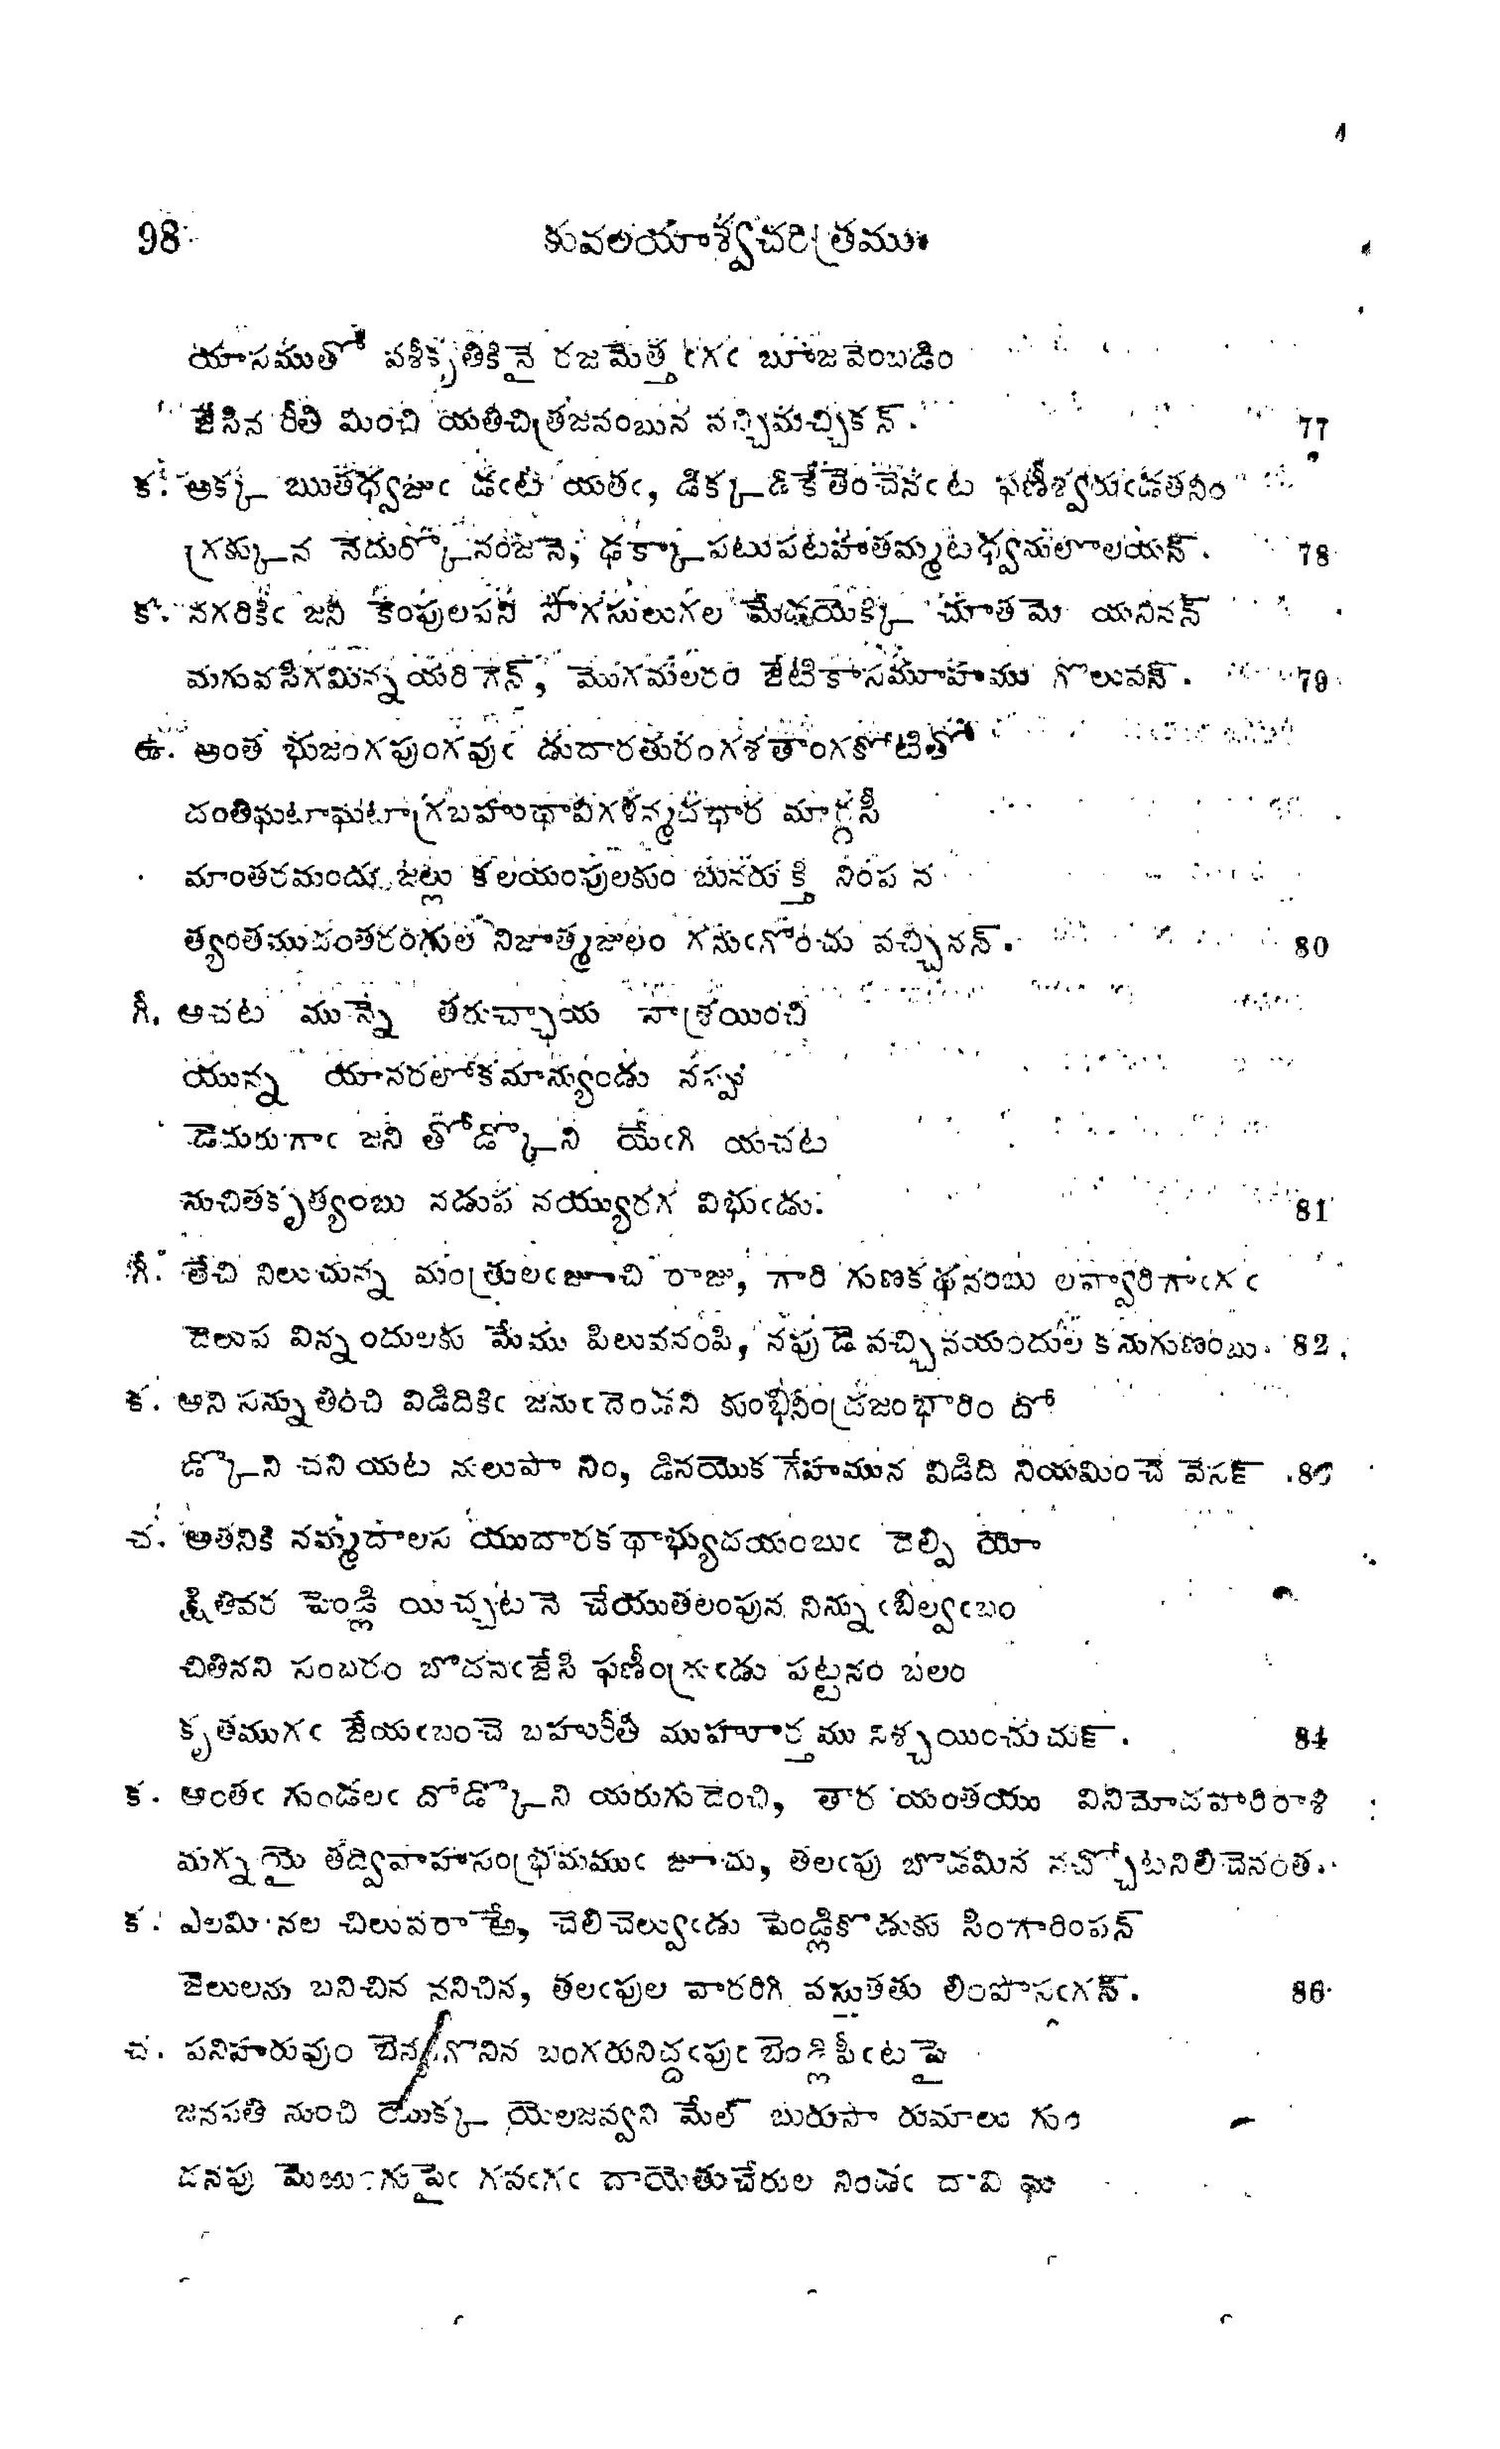యాసముతో వశీకృతికినై రజమెత్తఁగఁ బూజవెంబడిం
జేసిన రీతి మించి యతిచిత్రజవంబున వచ్చి మచ్చికన్.
క. అక్క ఋతధ్వజుఁ డఁట యతఁ, డిక్కడి కేతెంచెనఁట ఫణీశ్వరుఁ డతనిం
గ్రక్కున నెదుర్కొనంజనె, ఢక్కాపటుపటహతమ్మటధ్వను లొలయన్.
క. నగరికిఁ జని కేంపులపని సొగసులుగల మేడ యెక్కి చూతమె యనినన్
మగువ సిగమిన్న యరిగెన్, మొగమలరం జేటికాసమూహము గొలువన్.
ఉ. అంత భుజంగపుంగవుఁ డుదారతురంగశతాంగకోటితో
దంతిఘటాఘటాగ్రబహుథావిగళన్మదధార మార్గసీ
మాంతరమందు జల్లు కలయంపులకుం బునరుక్తి నింప న
త్యంతముదంతరంగుల నిజాత్మజులం గనుఁగొంచు వచ్చినన్.
గీ. అచట మున్నె తరుచ్ఛాయ నాశ్రయించి
యున్న యానరలోకమాన్యుండు నప్పు
డెదురుగాఁ జని తోడ్కొని యేఁగి యచట
నుచితకృత్యంబు నడుప నయ్యురగవిభుఁడు.
గీ. లేచి నిలుచున్న మంత్రులఁ జూచి రాజు, గారి గుణకథనంబు లవ్వారిగాఁగఁ
దెలుప విన్నందులకు మేము పిలువనంపి, నపుడె వచ్చినయందుల కనుగుణంబు.
క. అని సన్నుతించి విడిదికిఁ జనుఁదెండని కుంభినీంద్రజంభారిం దో
డ్కొని చని యట నులుపా నిం, డిన యొకగేహమున విడిది నియమించె వెసన్.
చ. అతనికి నమ్మదాలస యుదారకథాభ్యుదయంబుఁ దెల్పి యో
క్షితివర పెండ్లి యిచ్చటనె చేయుతలంపున నిన్నుఁ బిల్వఁబం
చితినని సంబరం బొదవఁజేసి ఫణీంద్రుఁడు పట్టనం బలం
కృతముగఁ జేయఁబంచె బహురీతి ముహూర్తము నిశ్చయించుచున్.
క. అంతఁ గుండలఁ దోడ్కొని యరుగుడెంచి, తార యంతయు విని మోదవారిరాశి
మగ్నమై తద్వివాహసంభ్రమముఁ జూచు, తలఁపు బొడమిన నచ్చోట నిలిచె నంత.
క . ఎలమి నల చిలువరాఱే, చెలిచెల్వుఁడు పెండ్లికొడుకు సింగారింపన్
జెలులను బనిచిన ననిచిన, తలఁపుల వారరిగి వస్తుతతు లింపొసఁగన్.
చ. పనిహరువుం బెనఁగొనిన బంగరునిద్దఁపుఁ బెండ్లిపీఁటపై
జనపతి నుంచి యొక్కయెలజవ్వని మేల్ బురుసా రుమాలు గుం
దనపుమెఱుంగుపైఁ గవఁగఁ దాయతుచేరుల నిండఁ దావి ఘ